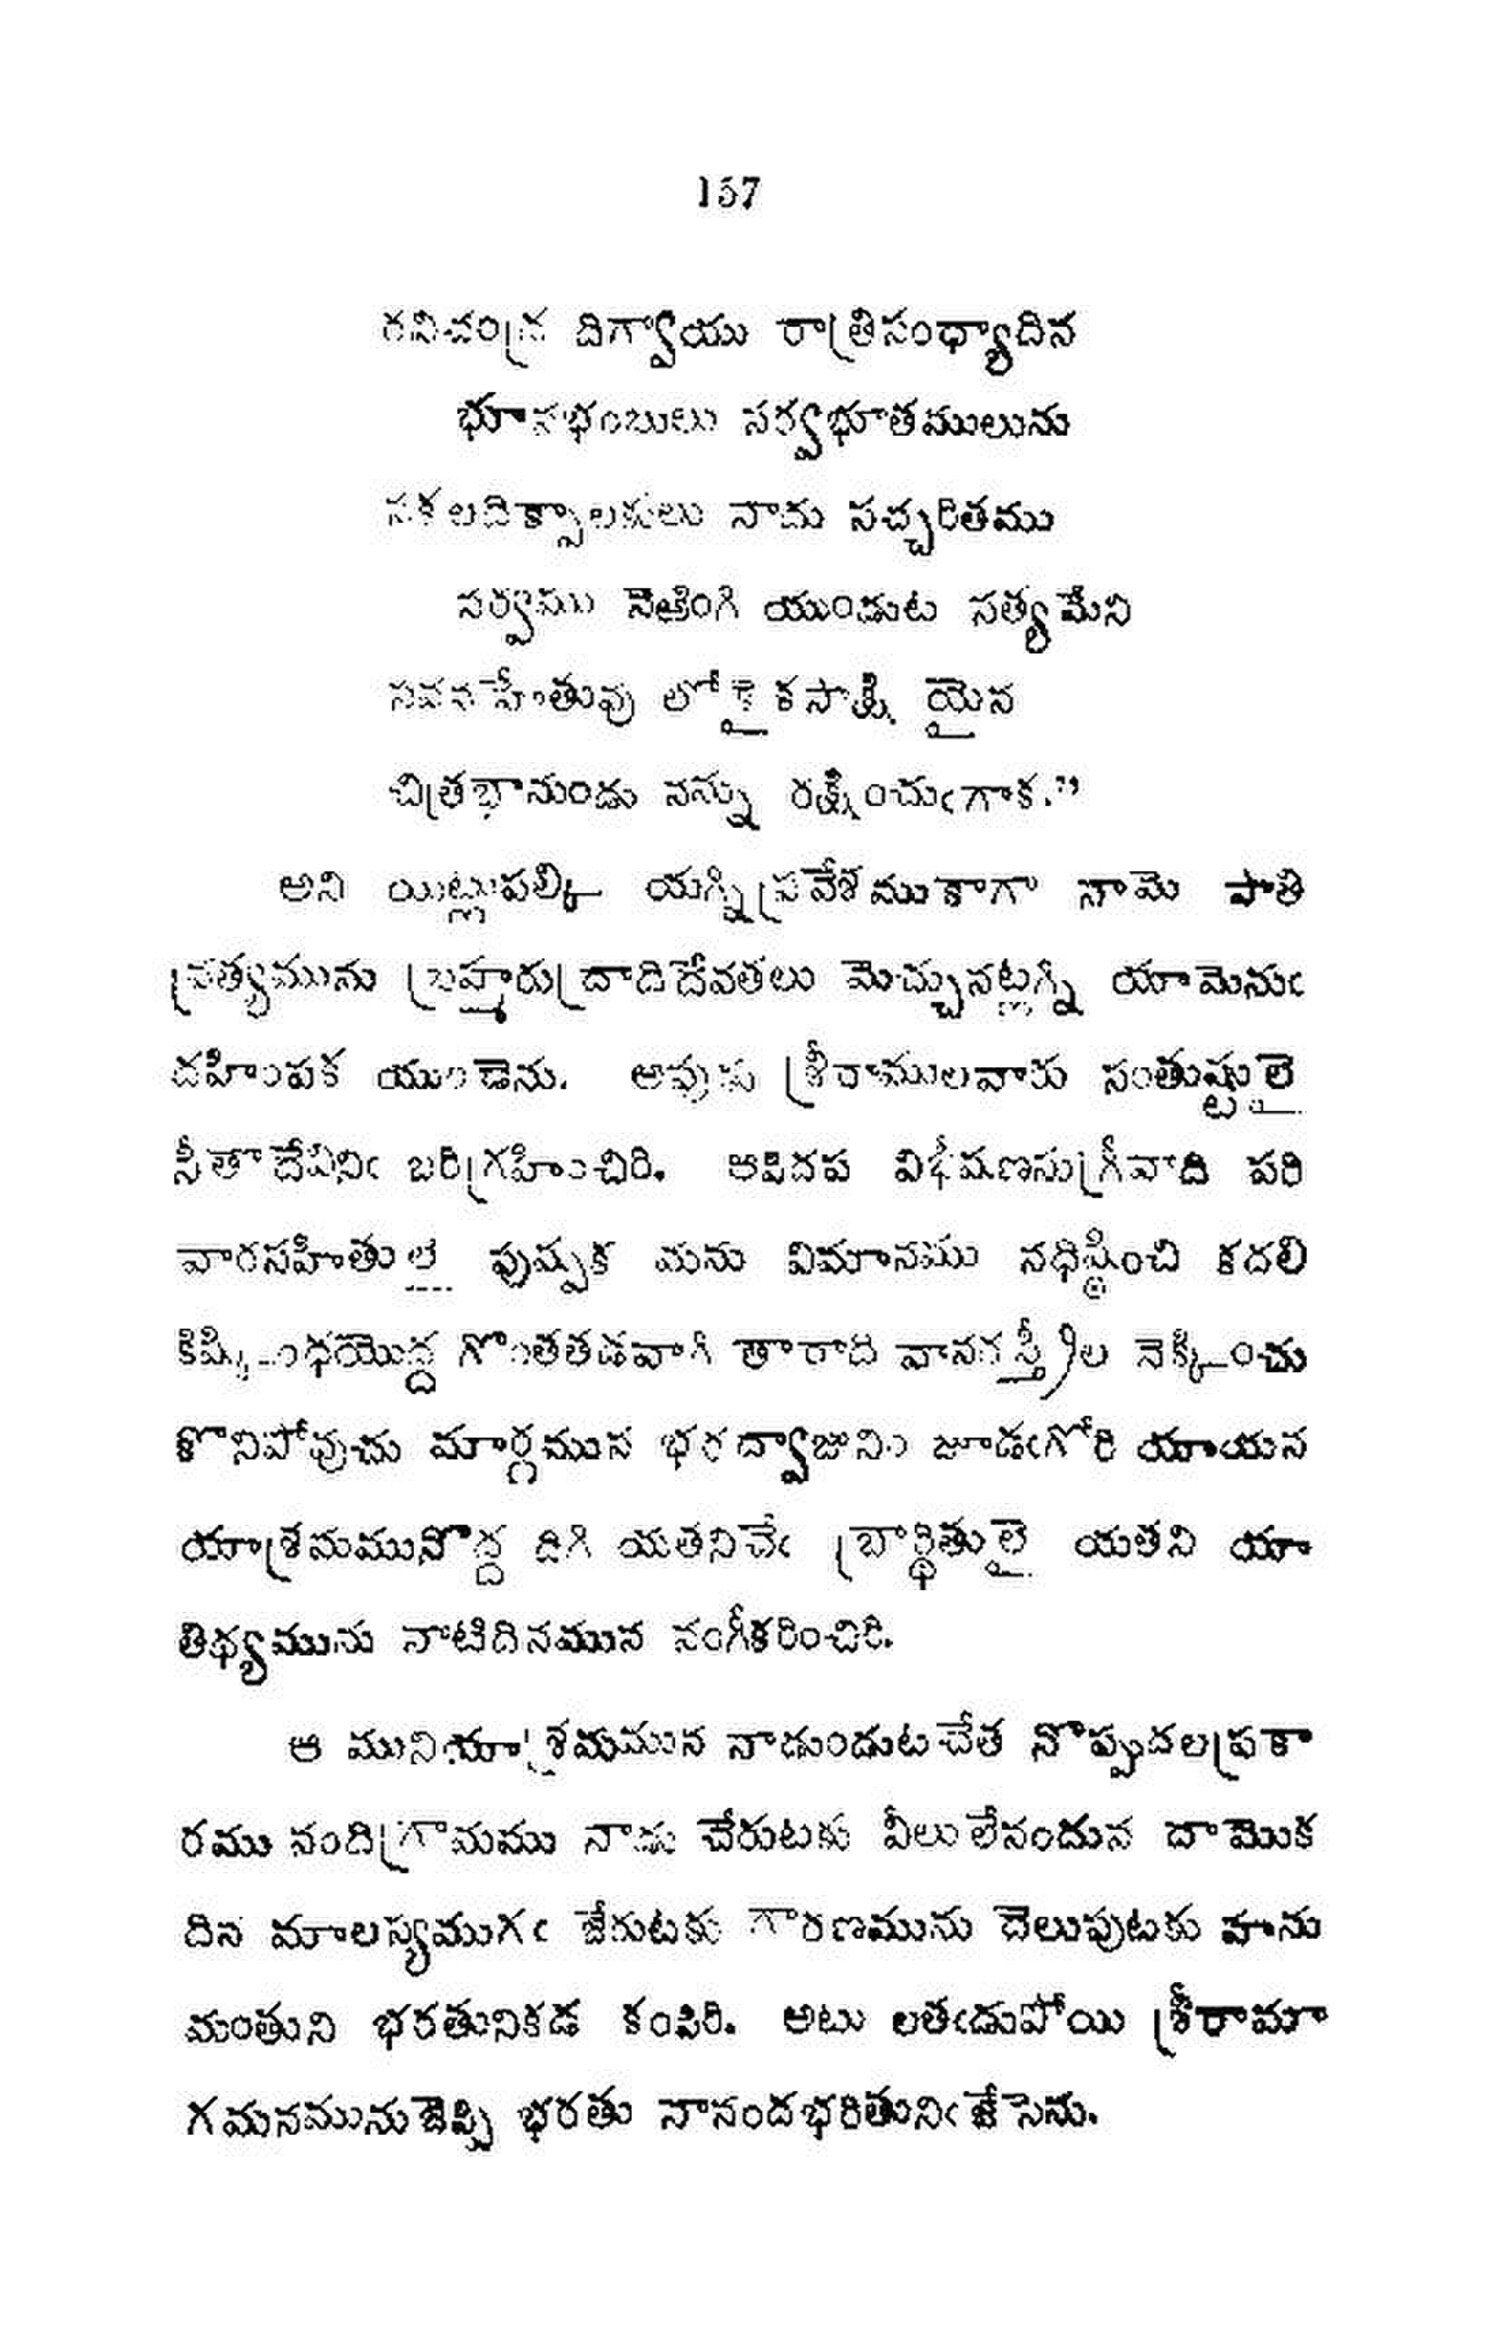రవిచంద్ర దిగ్వాయు రాత్రిసంధ్యాదిన
 భూనభంబులు సర్వభూతములును
 సకలదిక్పాలకులు సాదు సచ్చరితము
 సర్వము నెఱింగి యుండుట సత్యమేని
 సవనహేతువు లోకైకసాక్షి యైన
 చిత్రభానుండు నన్ను రక్షించుఁగాక."
అని యిట్లుపల్కి యగ్నిప్రవేశముకాగా నామె పాతివ్రత్యమును బ్రహ్మరుద్రాదిదేవతలు మెచ్చునట్లగ్ని యామెనుఁ దహింపక యుండెను. అపుడు శ్రీరాములవారు సంతుష్టులై సీతాదేవినిఁ బరిగ్రహించిరి. ఆపిదప విభీషణసుగ్రీవాది పరివారసహితులై పుష్పక మను విమానము నధిష్ఠించి కదలి
కిష్కింధయొద్ద గొంతతడవాగి తారాది వానరస్త్రీల నెక్కించుకొనిపోవుచు మార్గమున భరద్వాజునిం జూడఁగోరి యాయన యాశ్రమమునొద్ద దిగి యతనిచేఁ బ్రార్థితులై యతని యాతిథ్యమును నాటిదినమున నంగీకరించిరి

ఆ మునియాశ్రమమున నాడుండుటచేత నొప్పుదలప్రకారము నందిగ్రామము నాడు చేరుటకు వీలు లేనందున దామొక దిన మాలస్యముగఁ జేరుటకు గారణమును దెలుపుటకు హనుమంతుని భరతునికడ కంపిరి. అటు లతఁడుపోయి శ్రీరామా గమనమునుజెప్పి భరతు నానందభరితునిఁ జేసెను.